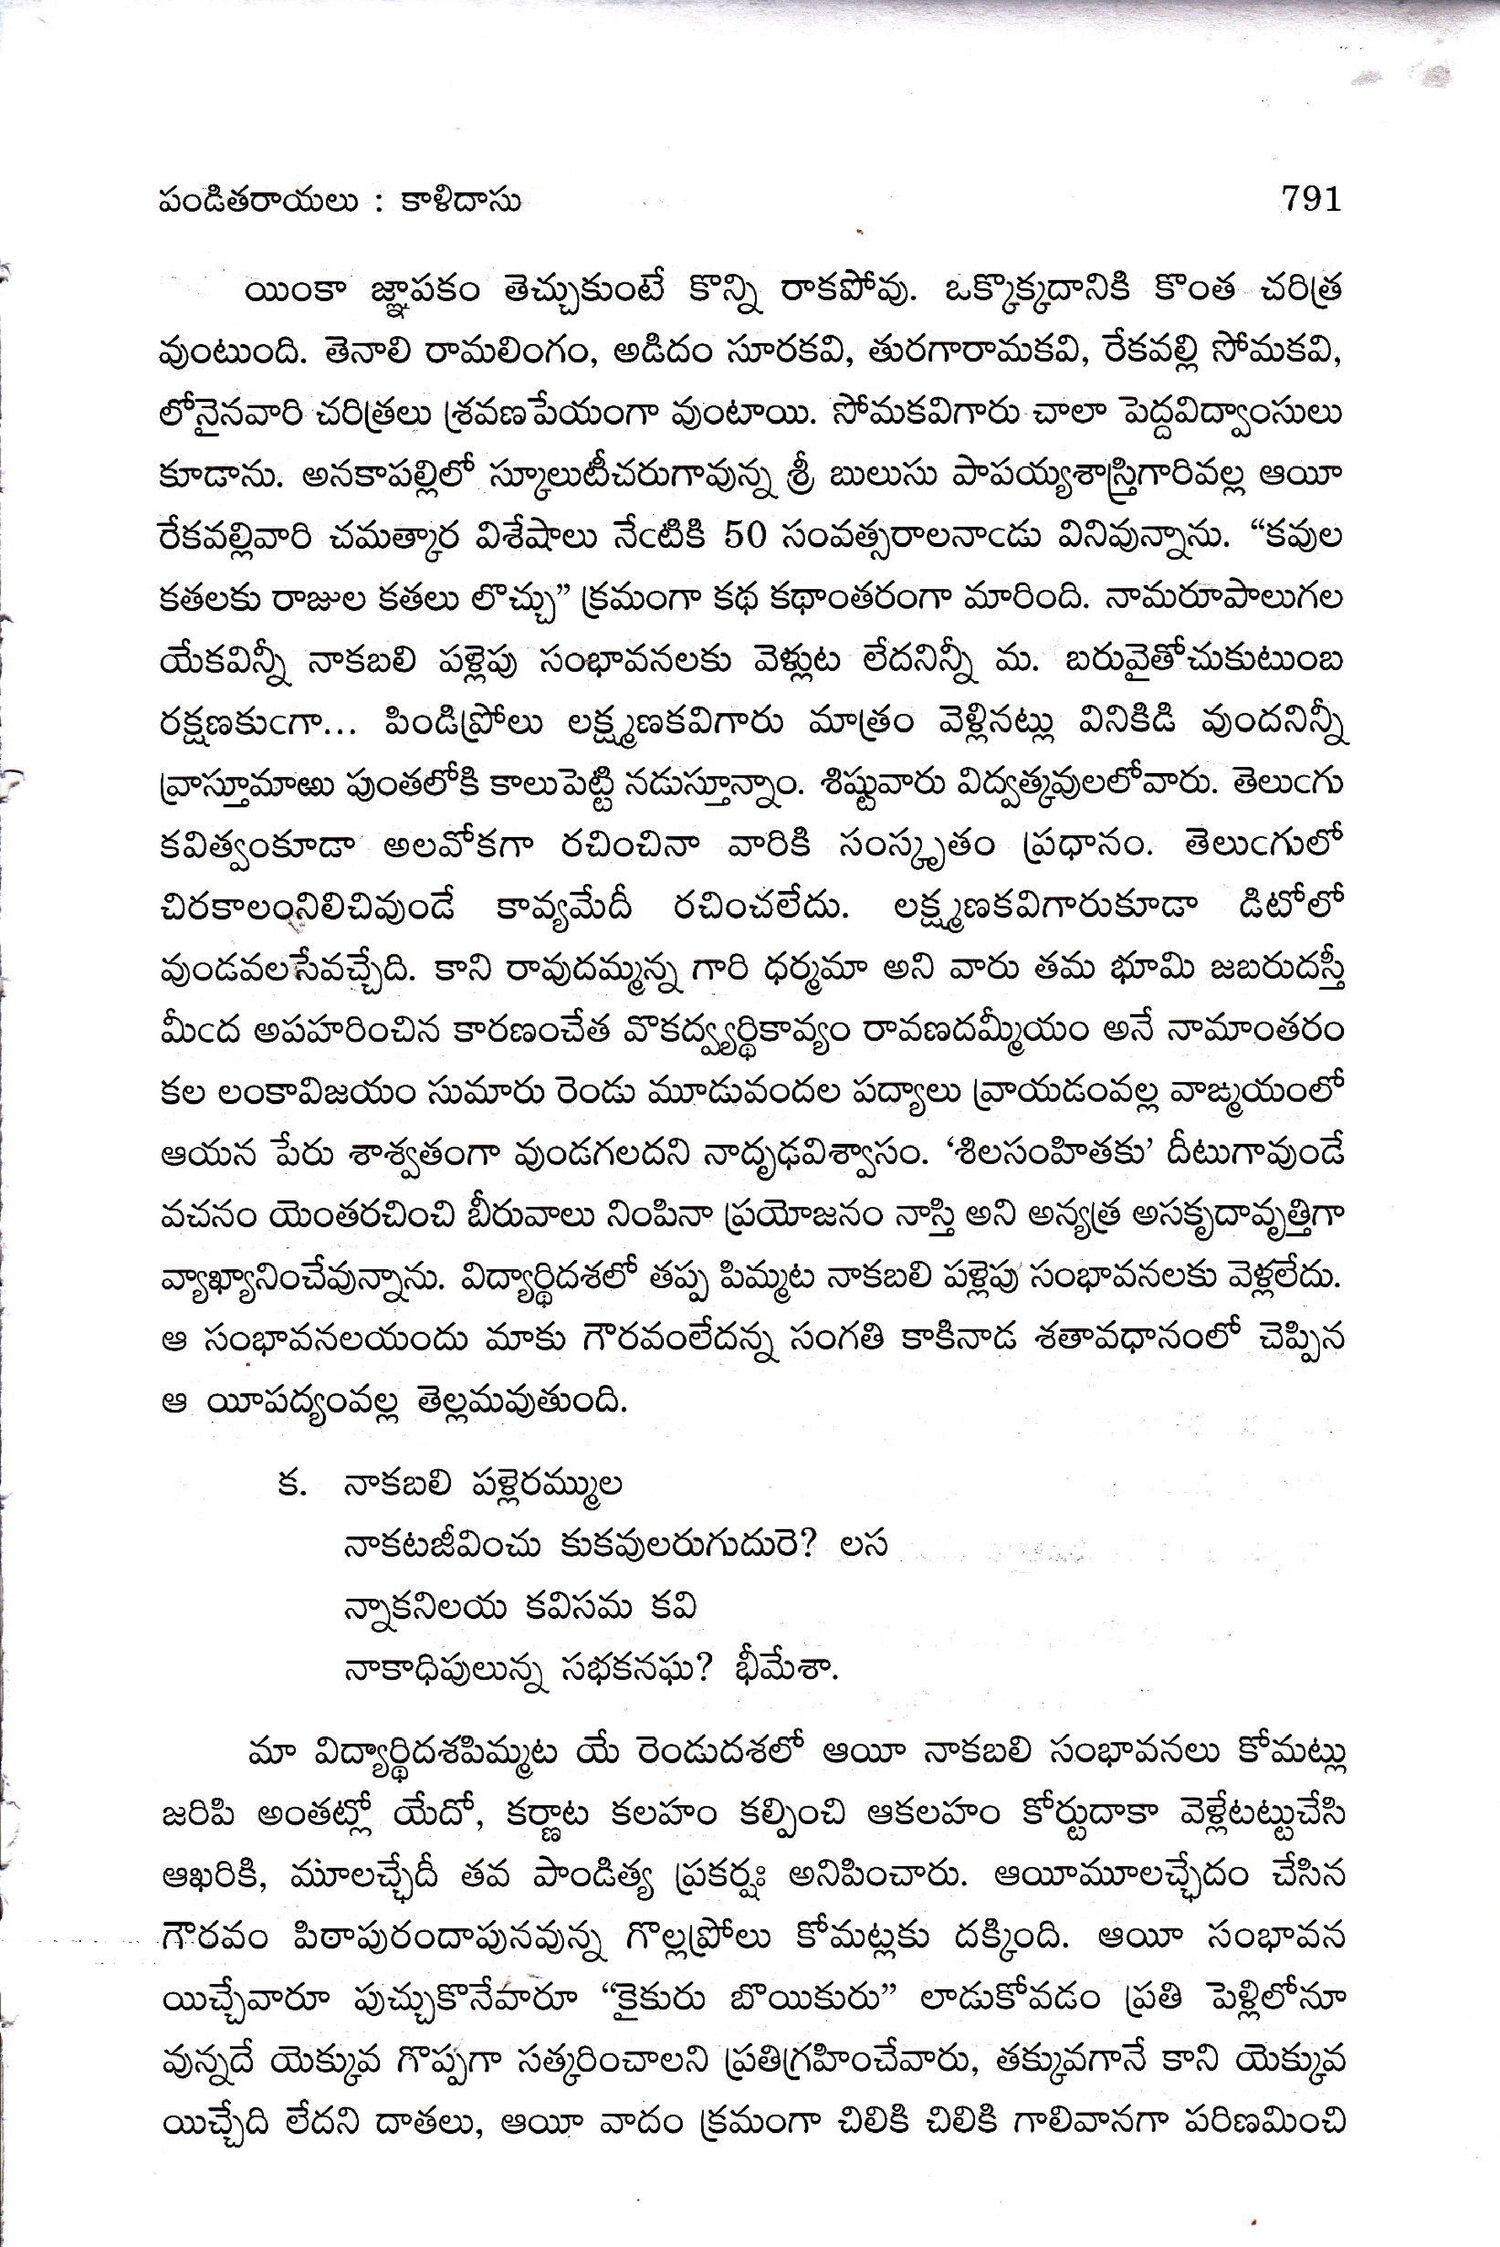యింకా జ్ఞాపకం తెచ్చుకుంటే కొన్ని రాకపోవు. ఒక్కొక్కదానికి కొంత చరిత్ర వుంటుంది. తెనాలి రామలింగం, అడిదం సూరకవి, తురగారామకవి, రేకవల్లి సోమకవి, లోనైనవారి చరిత్రలు శ్రవణపేయంగా వుంటాయి. సోమకవిగారు చాలా పెద్దవిద్వాంసులు కూడాను. అనకాపల్లిలో స్కూలుటీచరుగావున్న శ్రీ బులుసు పాపయ్యశాస్త్రిగారివల్ల ఆయీ
రేకవల్లివారి చమత్కార విశేషాలు నేఁటికి 50 సంవత్సరాలనాఁడు వినివున్నాను. “కవుల కతలకు రాజుల కతలు లొచ్చు" క్రమంగా కథ కథాంతరంగా మారింది. నామరూపాలుగల యేకవిన్నీ నాకబలి పళ్లెపు సంభావనలకు వెళ్లుట లేదనిన్నీ మ. బరువైతోచుకుటుంబ రక్షణకుఁగా... పిండిప్రోలు లక్ష్మణకవిగారు మాత్రం వెళ్లినట్లు వినికిడి వుందనిన్నీ వ్రాస్తూమాఱు పుంతలోకి కాలుపెట్టి నడుస్తూన్నాం. శిష్టువారు విద్వత్కవులలోవారు. తెలుఁగు కవిత్వంకూడా అలవోకగా రచించినా వారికి సంస్కృతం ప్రధానం. తెలుఁగులో చిరకాలంనిలిచివుండే కావ్యమేదీ రచించలేదు. లక్ష్మణకవిగారుకూడా డిటోలో వుండవలసేవచ్చేది. కాని రావుదమ్మన్న గారి ధర్మమా అని వారు తమ భూమి జబరుదస్తీ మీఁద అపహరించిన కారణంచేత వొకద్వ్యర్థికావ్యం రావణదమ్మీయం అనే నామాంతరం కల లంకావిజయం సుమారు రెండు మూడువందల పద్యాలు వ్రాయడంవల్ల వాఙ్మయంలో ఆయన పేరు శాశ్వతంగా వుండగలదని నాదృఢవిశ్వాసం. 'శిలసంహితకు' దీటుగావుండే వచనం యెంతరచించి బీరువాలు నింపినా ప్రయోజనం నాస్తి అని అన్యత్ర అసకృదావృత్తిగా వ్యాఖ్యానించేవున్నాను. విద్యార్థిదశలో తప్ప పిమ్మట నాకబలి పళ్లెపు సంభావనలకు వెళ్లలేదు. ఆ సంభావనలయందు మాకు గౌరవంలేదన్న సంగతి కాకినాడ శతావధానంలో చెప్పిన ఆ యీపద్యంవల్ల తెల్లమవుతుంది.

క. నాకబలి పళ్లెరమ్ముల 
 నాకటజీవించు కుకవులరుగుదురె? లస 
 న్నాకనిలయ కవిసమ కవి 
 నాకాధిపులున్న సభకనఘ? భీమేశా.
మా విద్యార్థిదశపిమ్మట యే రెండుదశలో ఆయీ నాకబలి సంభావనలు కోమట్లు జరిపి అంతల్లో యేదో, కర్ణాట కలహం కల్పించి ఆకలహం కోర్టుదాకా వెళ్లేటట్టుచేసి ఆఖరికి, మూలచ్ఛేదీ తవ పాండిత్య ప్రకర్షః అనిపించారు. ఆయీమూలచ్ఛేదం చేసిన గౌరవం పిఠాపురందాపునవున్న గొల్లప్రోలు కోమట్లకు దక్కింది. ఆయీ సంభావన
యిచ్చేవారూ పుచ్చుకొనేవారూ “కైకురు బొయికురు" లాడుకోవడం ప్రతి పెళ్లిలోనూ వున్నదే యెక్కువ గొప్పగా సత్కరించాలని ప్రతిగ్రహించేవారు, తక్కువగానే కాని యెక్కువ యిచ్చేది లేదని దాతలు, ఆయినా వాదం క్రమంగా చిలికి చిలికి గాలివానగా పరిణమించి